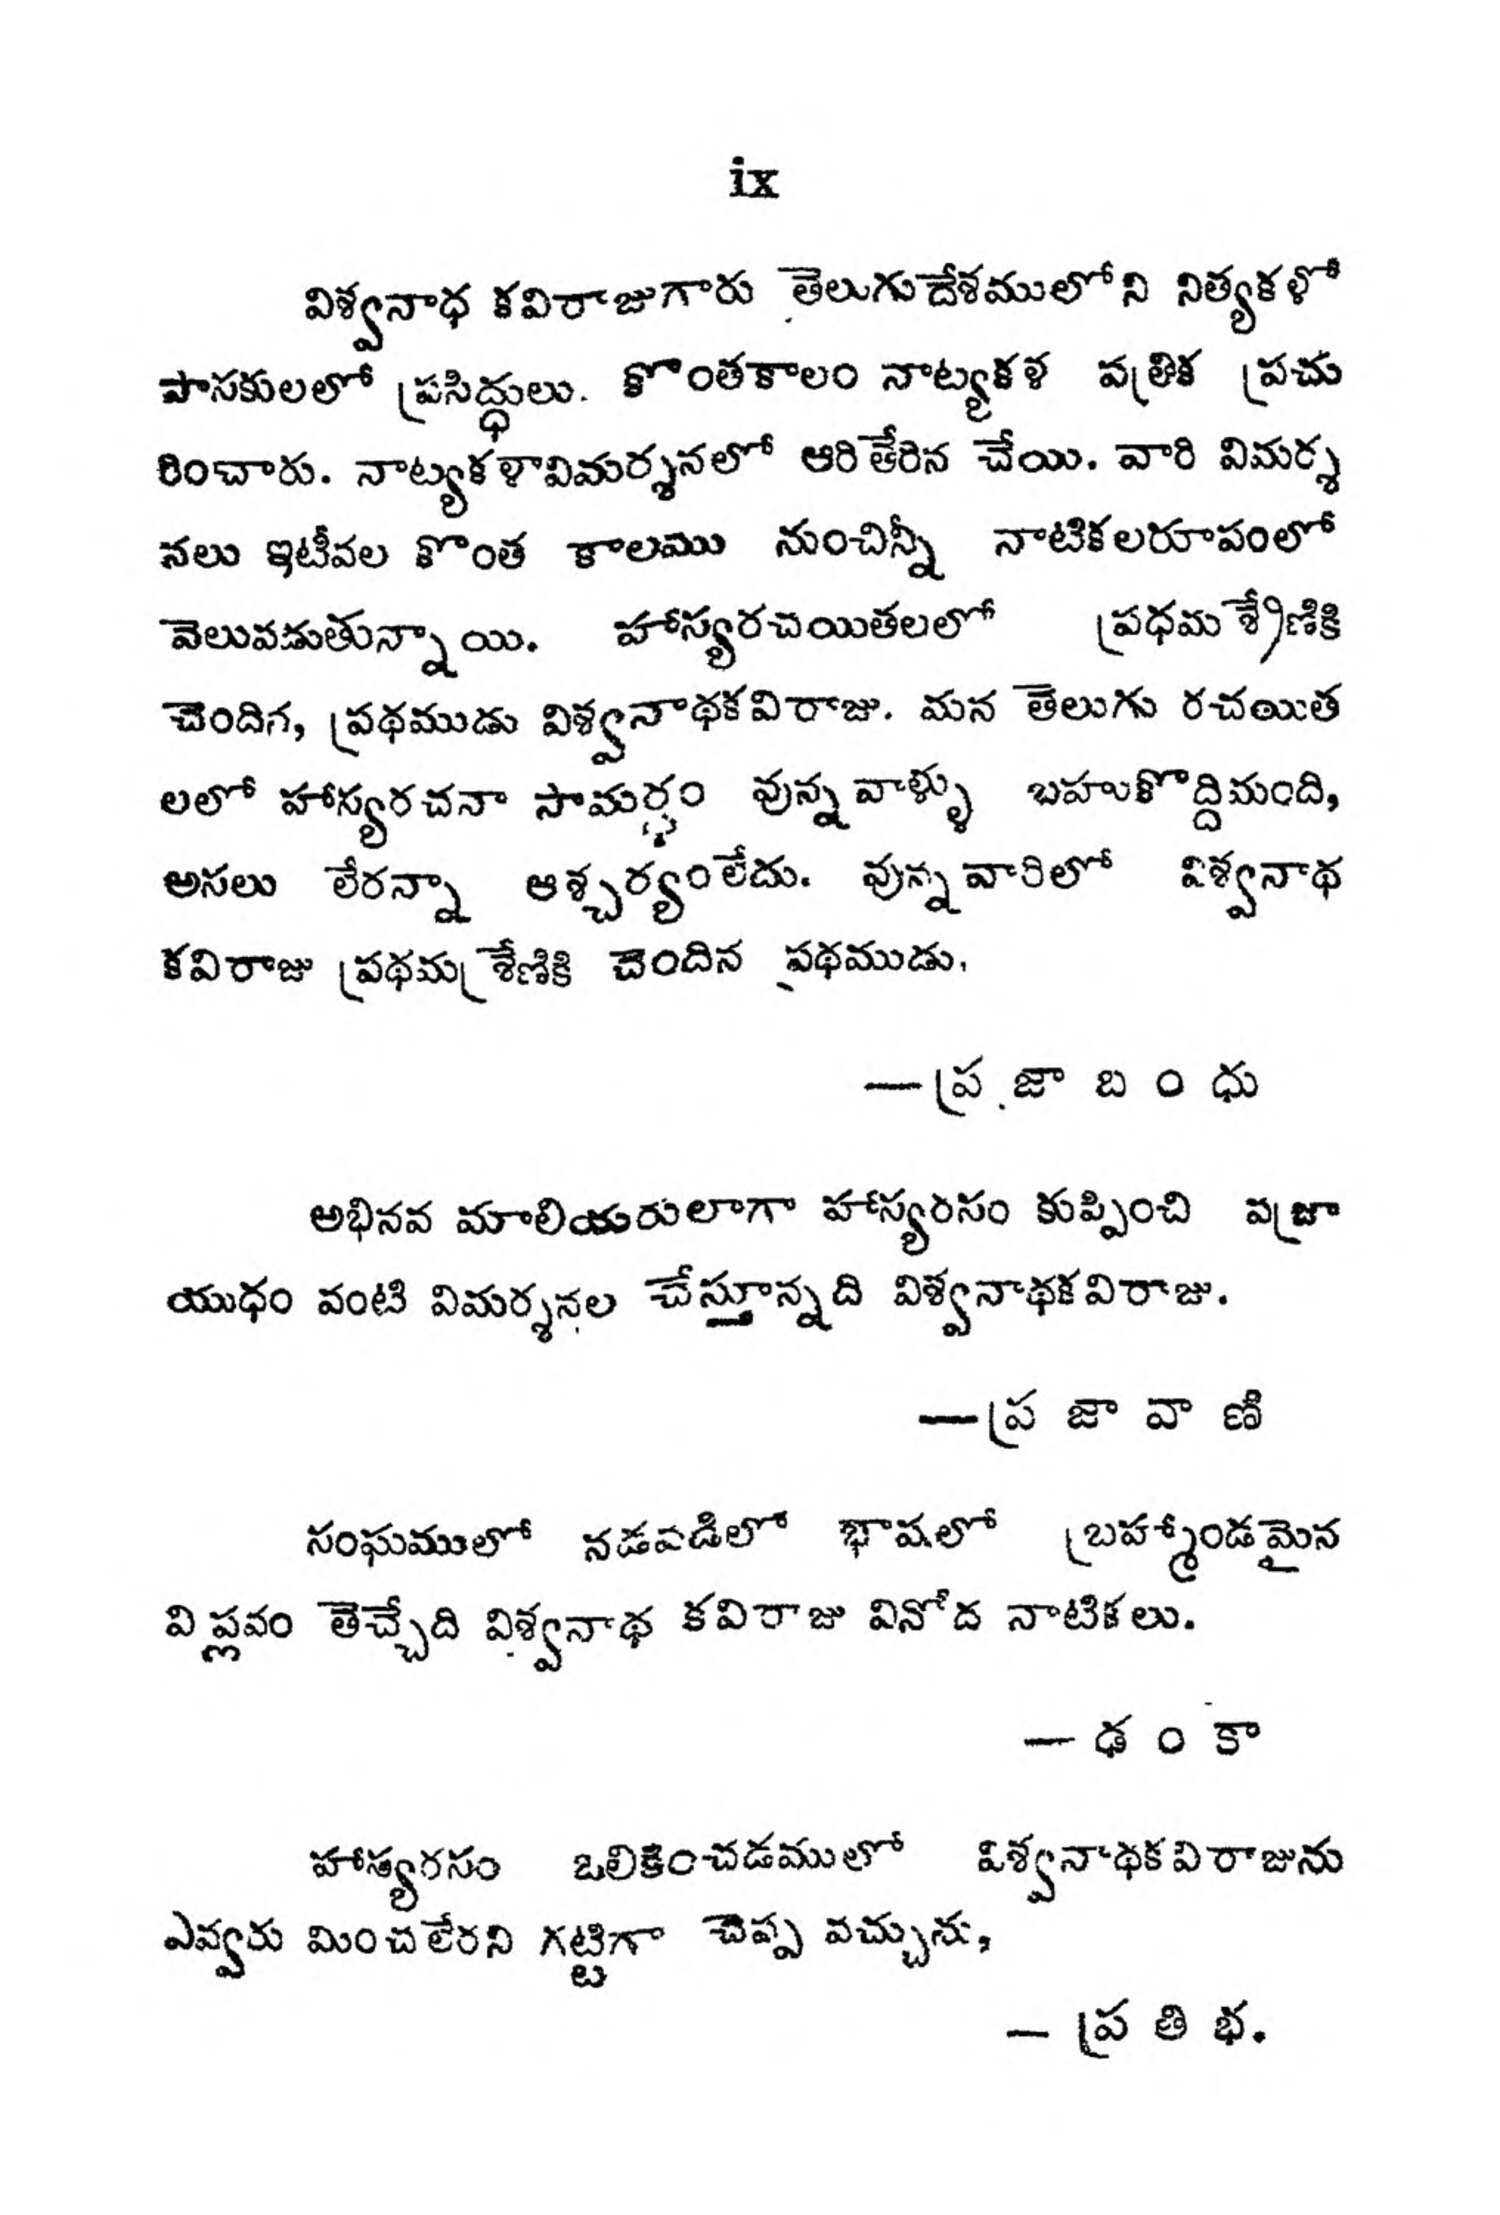విశ్వనాధ కవిరాజుగారు తెలుగు దేశములోని నిత్యకళోపాసకులలో ప్రసిద్ధులు. కొంతకాలం నాట్యకళ పత్రిక ప్రచురించారు. నాట్యకళావిమర్శనలో ఆరితేరిన చేయి. వారి విమర్శనలు ఇటీవల కొంత కాలము నుంచిన్నీ నాటికలరూపంలో వెలువడుతున్నాయి. హాస్యరచయితలలో ప్రధమశ్రేణికి చెందిన, ప్రథముడు విశ్వనాథకవిరాజు. మన తెలుగు రచయితలలో హాస్యరచనా సామర్ధ్యం వున్నవాళ్ళు బహుకొద్దిమంది, అసలు లేరన్నా ఆశ్చర్యంలేదు. వున్న వారిలో విశ్వనాథకవిరాజు ప్రథమశ్రేణికి చెందిన ప్రథముడు.

అభినవ మాలియరులాగా హాస్యరసం కుప్పించి వజ్రాయుధం వంటి విమర్శనల చేస్తూన్నది విశ్వనాథకవిరాజు.

సంఘములో నడవడిలో భాషలో బ్రహ్మాండమైన విప్లవం తెచ్చేది విశ్వనాథ కవిరాజు వినోద నాటికలు.

హాస్యరసం ఒలికించడములో విశ్వనాథకవిరాజును ఎవ్వరు మించలేరని గట్టిగా చెప్ప వచ్చును.